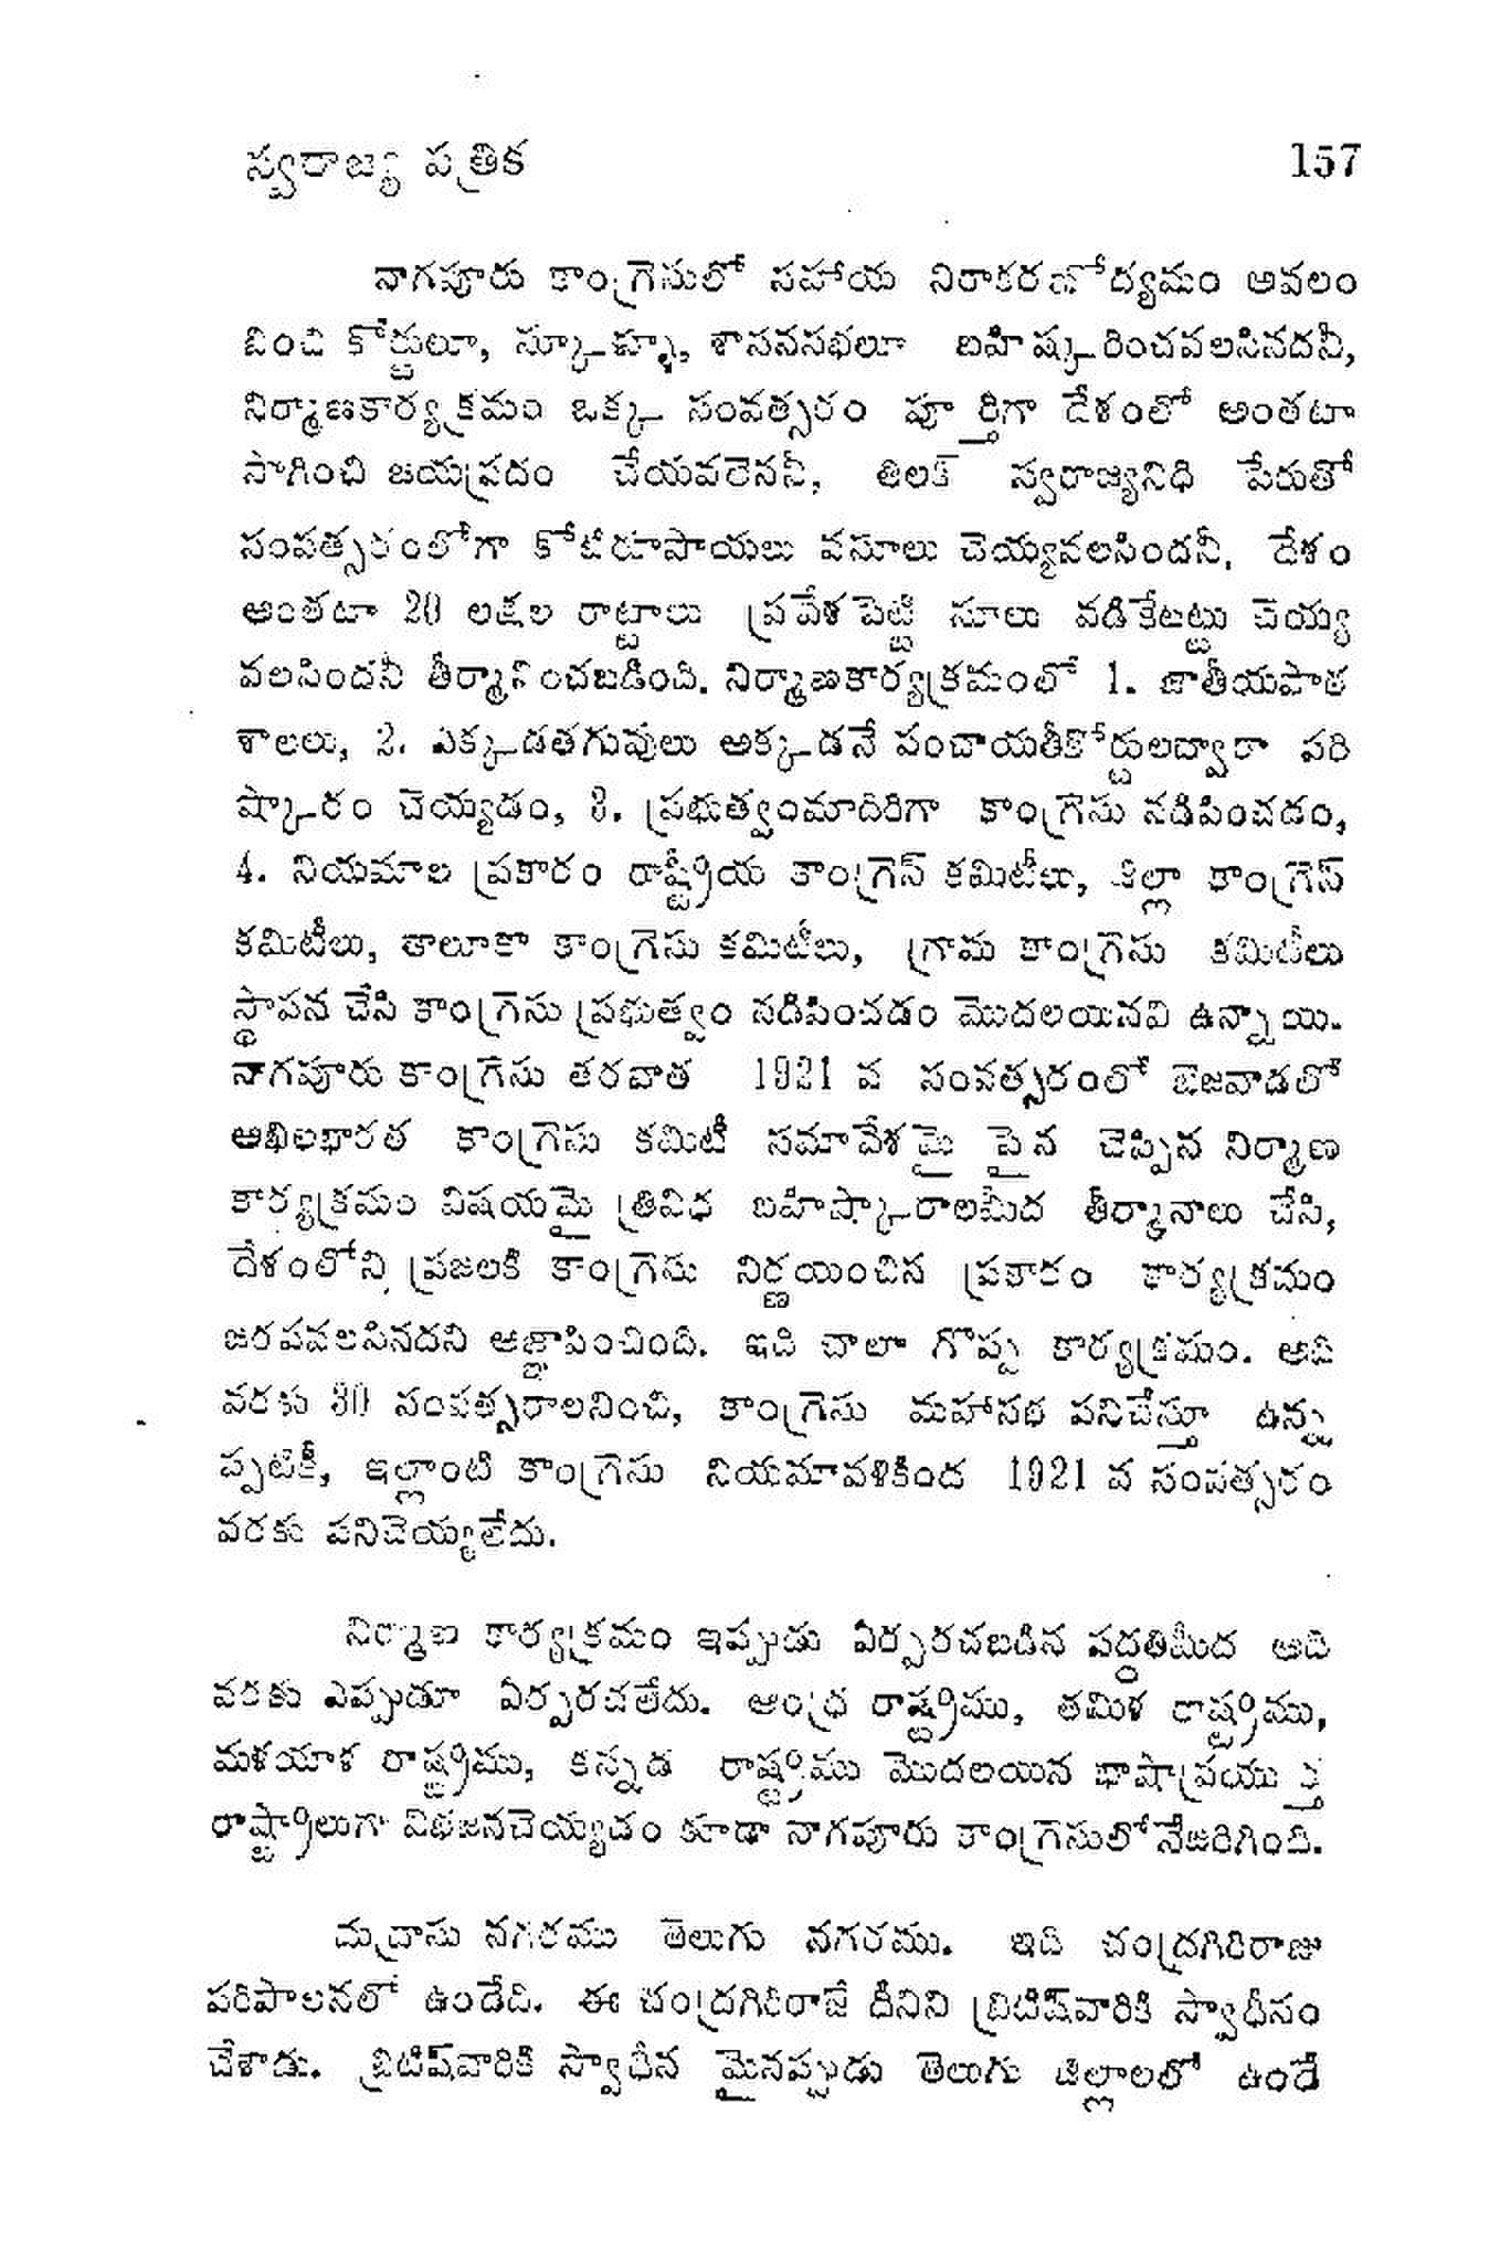నాగపూరు కాంగ్రెసులో సహాయ నిరాకరణోద్యమం అవలంభించి కోర్టులూ, స్కూళ్ళూ, శాసనసభలూ బహిష్కరించ వలసినదనీ, నిర్మాణకార్యక్రమం ఒక్క సంవత్సరం పూర్తిగా దేశంలో అంతటా సాగించి జయప్రదం చేయవలెననీ, తిలక్ స్వరాజ్యనిధి పేరుతో సంవత్సరంలోగా కోటి రూపాయలు వసూలు చెయ్యవలసిందనీ, దేశం అంతటా 20 లక్షల రాట్టాలు ప్రవేశపెట్టి నూలు వడికేటట్టు చెయ్య వలసిందనీ తీర్మానించ బడింది. నిర్మాణకార్యక్రమంలో 1. జాతీయ పాఠశాలలు, 2. ఎక్కడ తగువులు అక్కడనే పంచాయతీ కోర్టులద్వారా పరిష్కారం చెయ్యడం, 3. ప్రభుత్వంమాదిరిగా కాంగ్రెసు నడిపించడం, 4. నియమాల ప్రకారం రాష్ట్రీయ కాంగ్రెస్ కమిటీలు, జిల్లా కాంగ్రెస్ కమిటీలు, తాలూకా కాంగ్రెసు కమిటీలు, గ్రామ కాంగ్రెసు కమిటీలు స్థాపన చేసి కాంగ్రెసు ప్రభుత్వం నడిపించడం మొదలయినవి ఉన్నాయి. నాగపూరు కాంగ్రెసు తరవాత 1921 వ సంవత్సరంలో బెజవాడలో అఖిలభారత కాంగ్రెసు కమిటీ సమావేశమై పైన చెప్పిన నిర్మాణ కార్యక్రమం విషయమై త్రివిధ బహిష్కారాలమీద తీర్మానాలు చేసి, దేశంలోని ప్రజలకి కాంగ్రెసు నిర్ణయించిన ప్రకారం కార్యక్రమం జరపవలసినదని ఆజ్ఞాపించింది. ఇది చాలా గొప్ప కార్యక్రమం. అది వరకు 30 సంవత్సరాలనించి, కాంగ్రెసు మహాసభ పనిచేస్తూ ఉన్నప్పటికీ, ఇల్లాంటి కాంగ్రెసు నియమావళికింద 1921 వ సంవత్సరం వరకు పనిచెయ్యలేదు.

నిర్మాణ కార్యక్రమం ఇప్పుడు ఏర్పరచబడిన పద్ధతిమీద అది వరకు ఎప్పుడూ ఏర్పరచలేదు. ఆంధ్ర రాష్ట్రము, తమిళ రాష్ట్రము, మళయాళ రాష్ట్రము, కన్నడ రాష్ట్రము మొదలయిన భాషాప్రయుక్త రాష్ట్రాలుగా విభజనచెయ్యడం కూడా నాగపూరు కాంగ్రెసులోనేజరిగింది.

మద్రాసు నగరము తెలుగు నగరము. ఇది చంద్రగిరిరాజు పరిపాలనలో ఉండేది. ఈ చంద్రగిరిరాజే దీనిని బ్రిటిష్‌వారికి స్వాధీనం చేశాడు. బ్రిటిష్‌వారికి స్వాధీన మైనప్పుడు తెలుగు జిల్లాలలో ఉండే